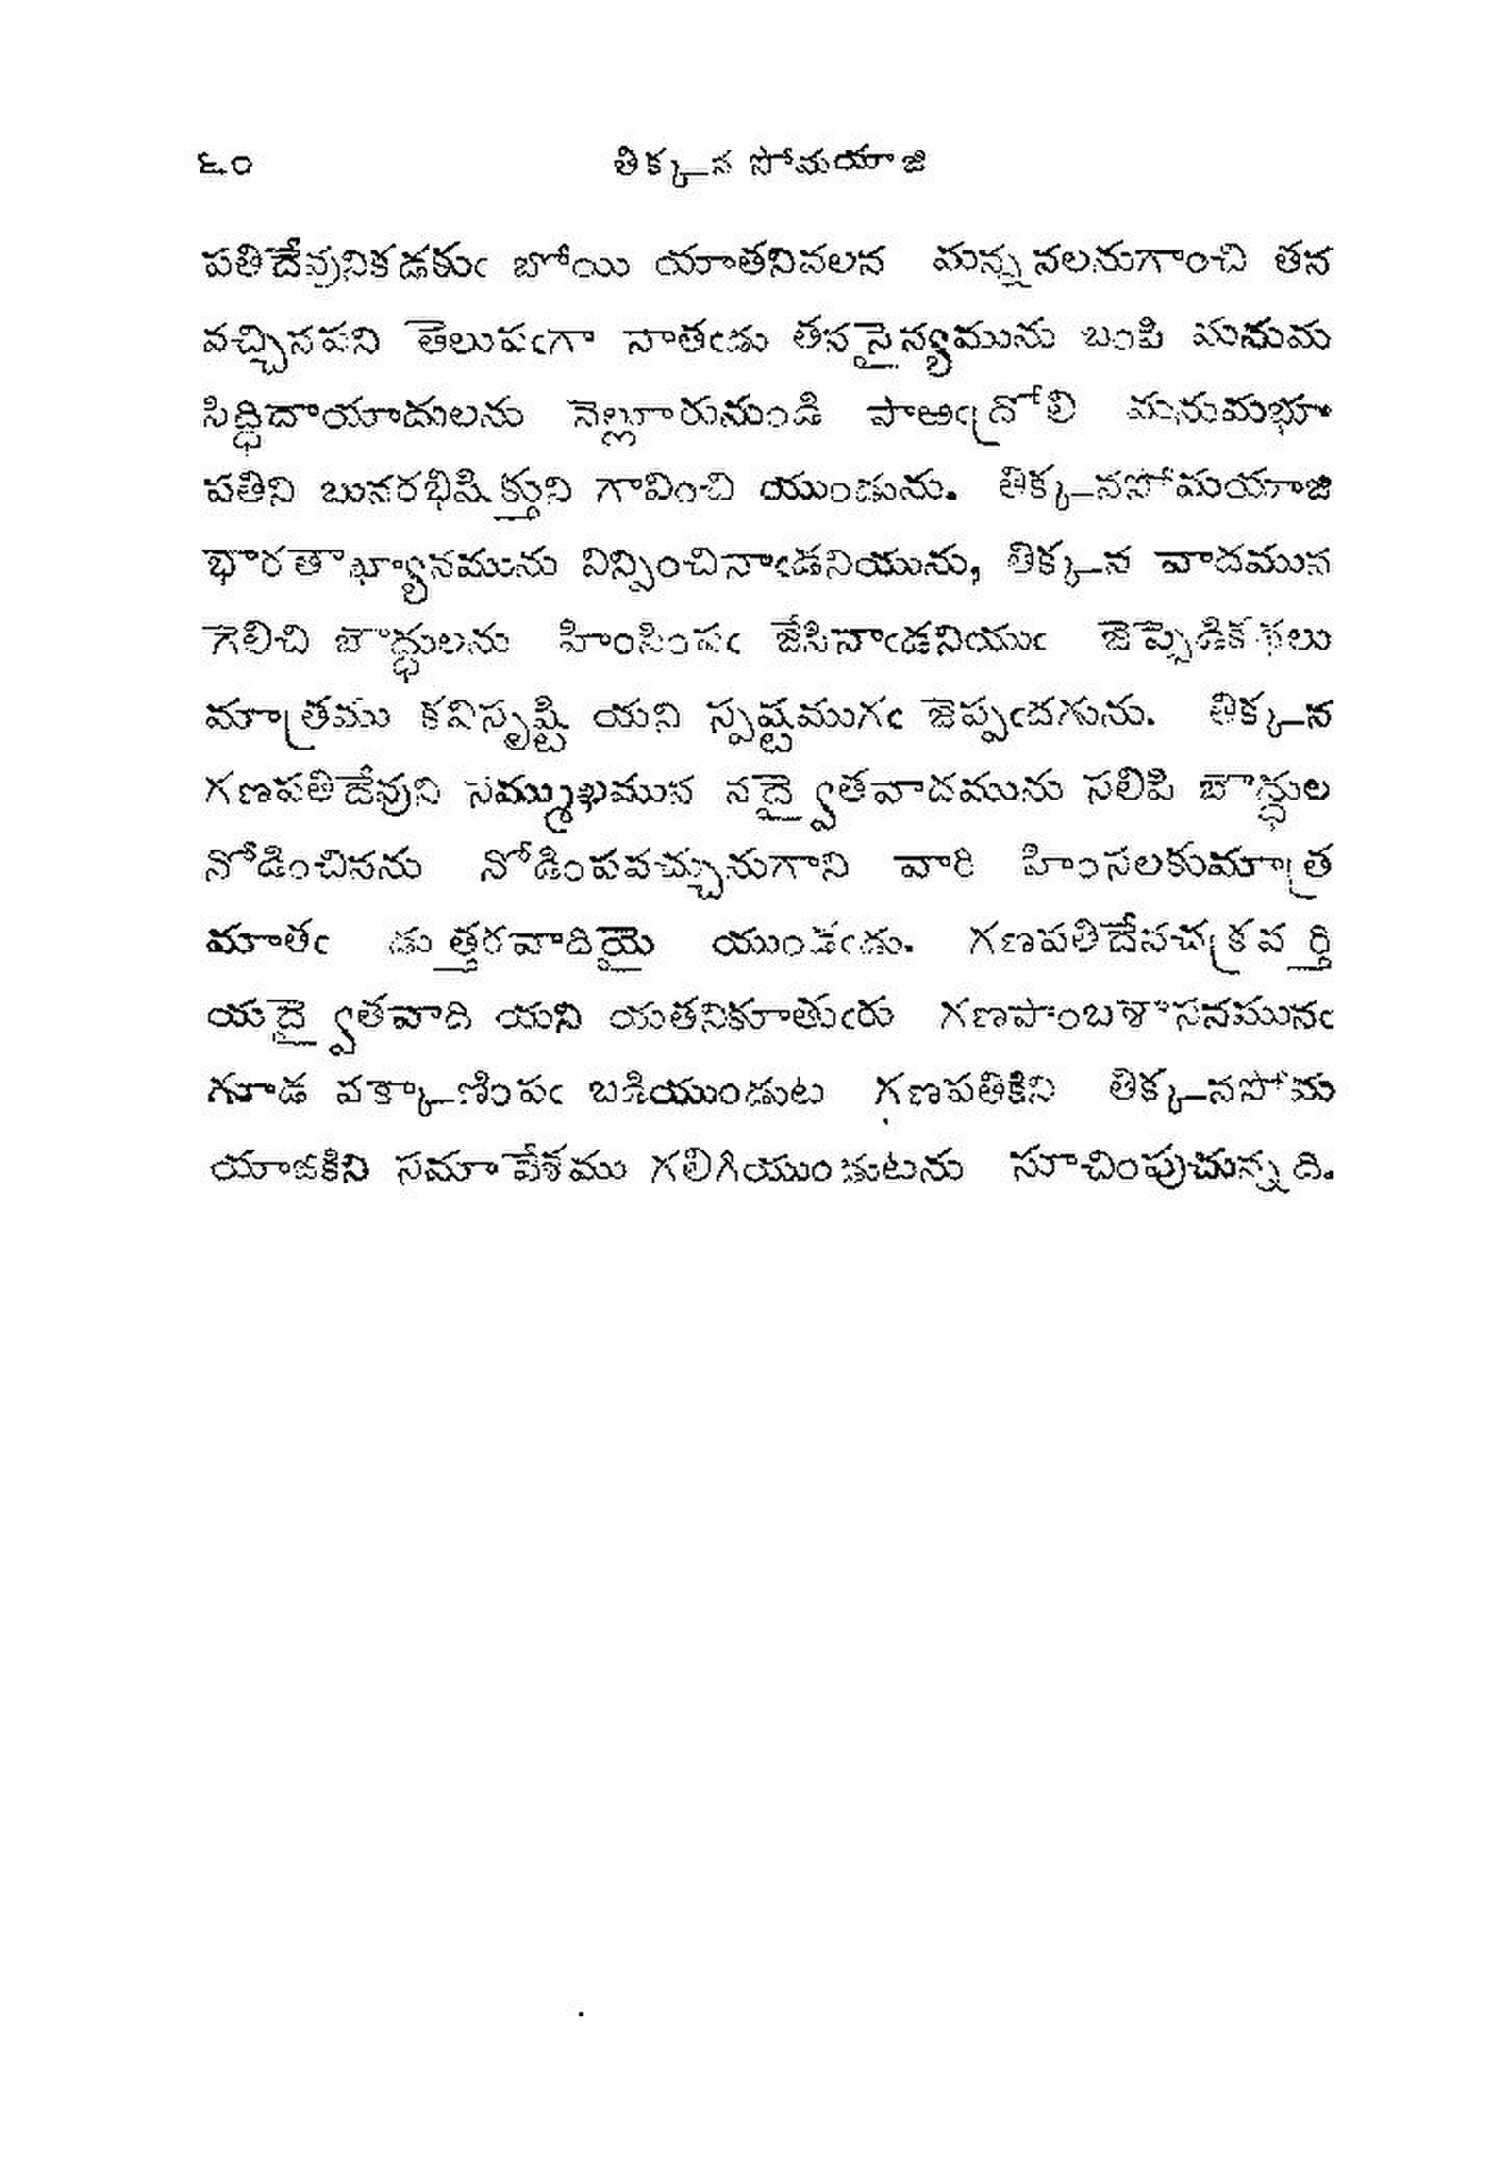పతిదేవునికడకుఁ బోయి యాతనివలన మన్ననలనుగాంచి తన వచ్చినపని తెలుపఁగా నాతఁడు తనసైన్యమును బంపి మనుమసిద్ధిదాయాదులను నెల్లూరునుండి పాఱఁద్రోలి మనుమభూపతిని బునరభిషిక్తుని గావించి యుండును. తిక్కనసోమయాజి భారతాఖ్యానమును విన్పించినాఁడనియును, తిక్కన వాదమున గెలిచి బౌద్ధులను హింసింపఁ జేసినాఁడనియుఁ జెప్పెడికథలు మాత్రము కవిసృష్టి యని స్పష్టముగఁ జెప్పఁదగును. తిక్కన గణపతిదేవుని సమ్ముఖముస నద్వైతవాదమును సలిపి బౌద్ధుల నోడించినను నోడింపవచ్చునుగాని వారి హింసలకుమాత్ర మాతఁ డుత్తరవాదియై యుండఁడు. గణపతిదేవచక్రవర్తి యద్వైతవాది యని యతనికూతురు గణపాంబశాసనమునఁ గూడ వక్కాణింపఁ బడియుండుట గణపతికిని తిక్కనసోమయాజికిని సమావేశము గలిగియుండుటను సూచింపుచున్నది.